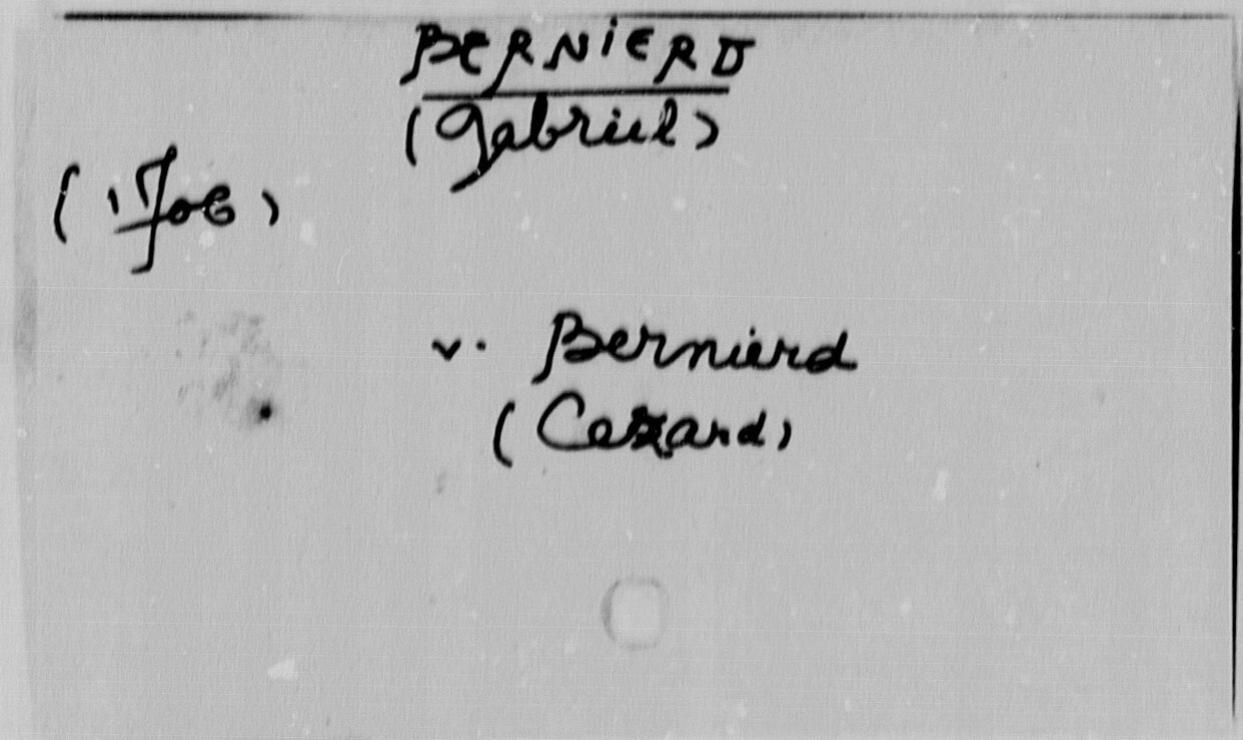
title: BERNIERD (Gabriel)
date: (1706)
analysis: Voir Bernierd (Cezard)
